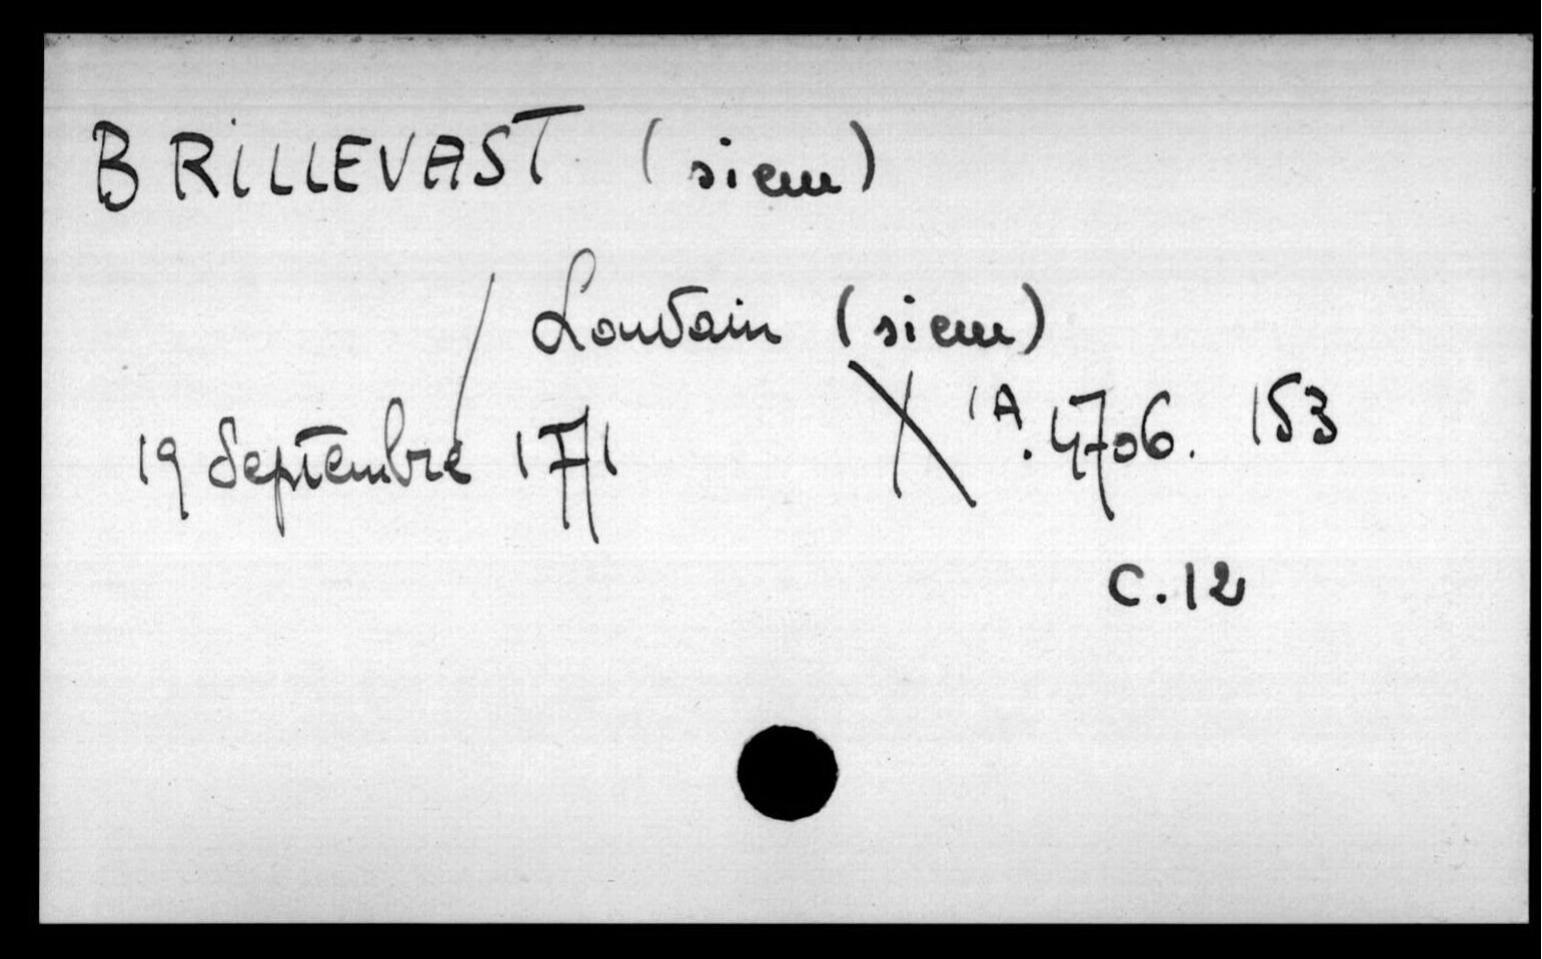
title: BRILLEVAST (sieur)
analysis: Contre Louvain (sieur)
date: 19 septembre 1771
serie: X1A
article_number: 4706
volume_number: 153 Conseil, 12
